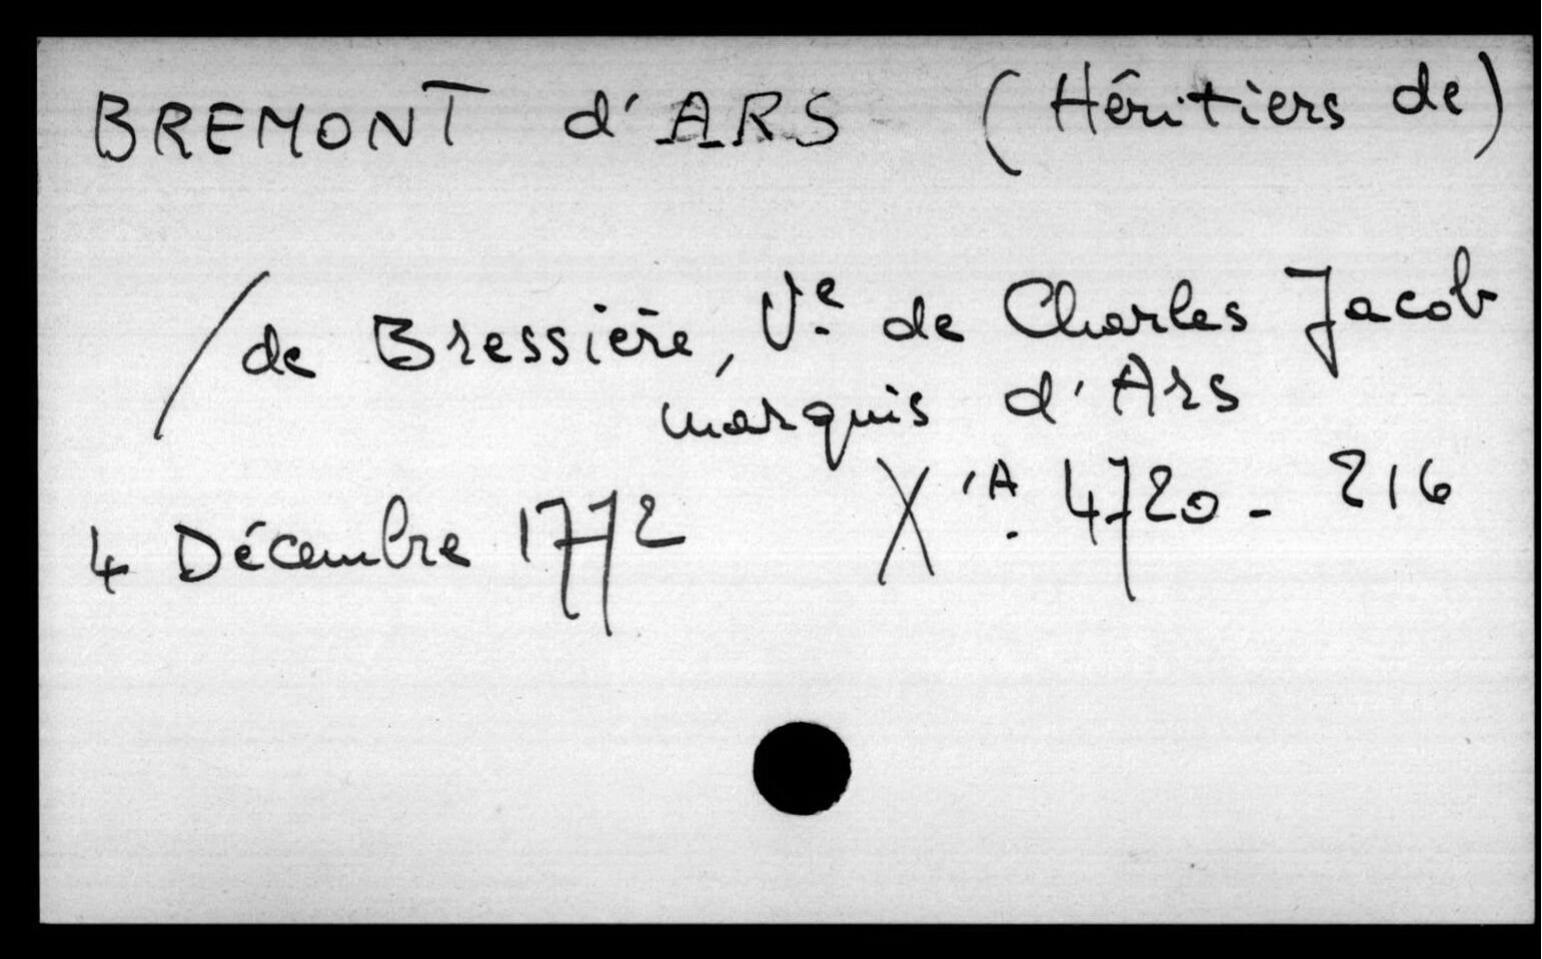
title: BREMONT d'ARS (Héritiers de)
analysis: Contre de Bressière, veuve de Charles Jacob marquis d'Ars
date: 4 décembre 1772
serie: X1A
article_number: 4720
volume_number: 216
